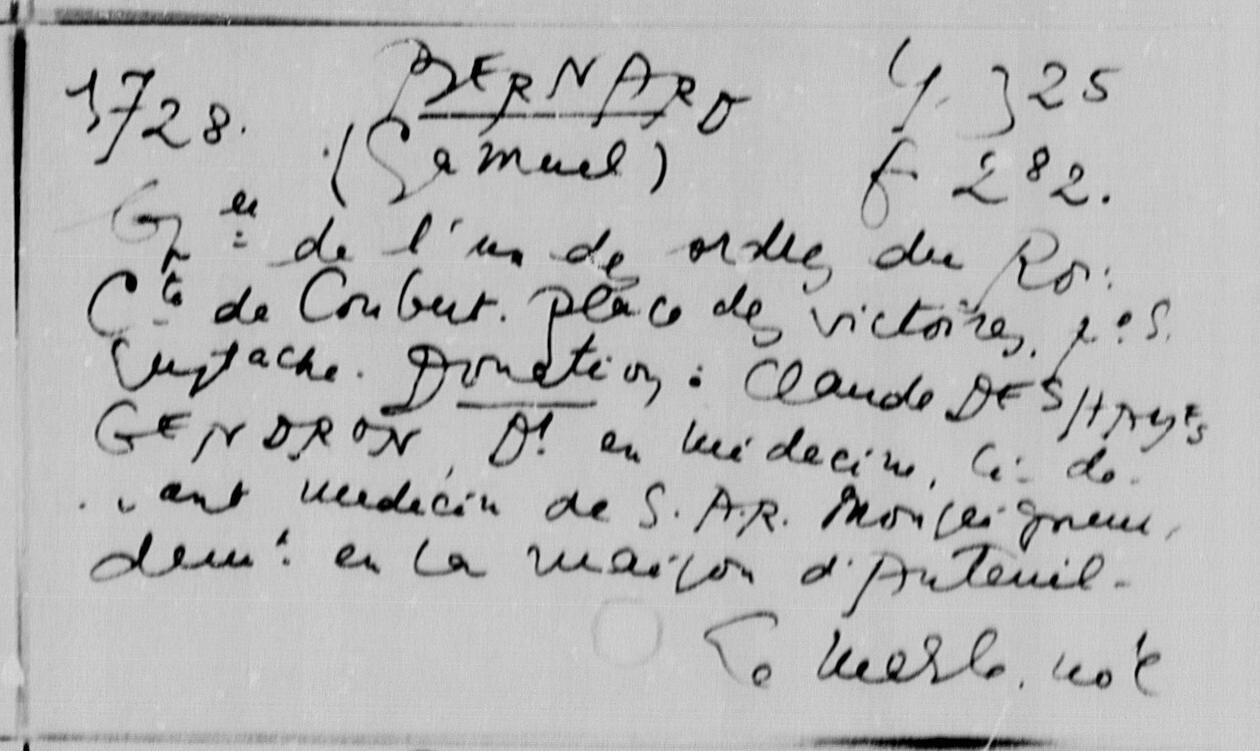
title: BERNARD (Samuel)
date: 1728
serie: Y
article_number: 325
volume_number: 282
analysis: Chevalier de l'un des ordres du roi. Comte de Coubert. Place des Victoires, paroisse Saint-Eustache. Donation à Claude DESHAYS, GENDRON, Docteur en médecine, ci-devant médecin de Son Altesse Royale monseigneur, demeurant en la maison d'Auteuil. Le Mesle, notaire.
